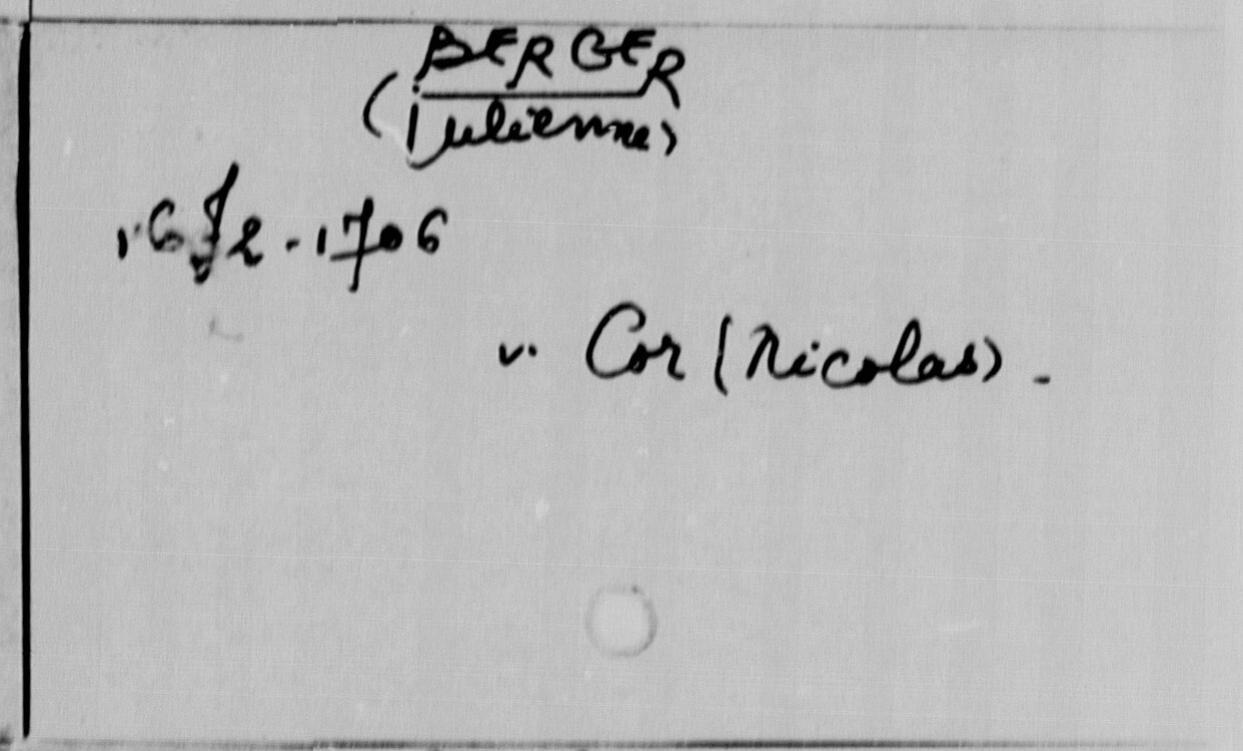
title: BERGER (Julienne)
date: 1672-1706
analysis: Voir : COR (Nicolas)
